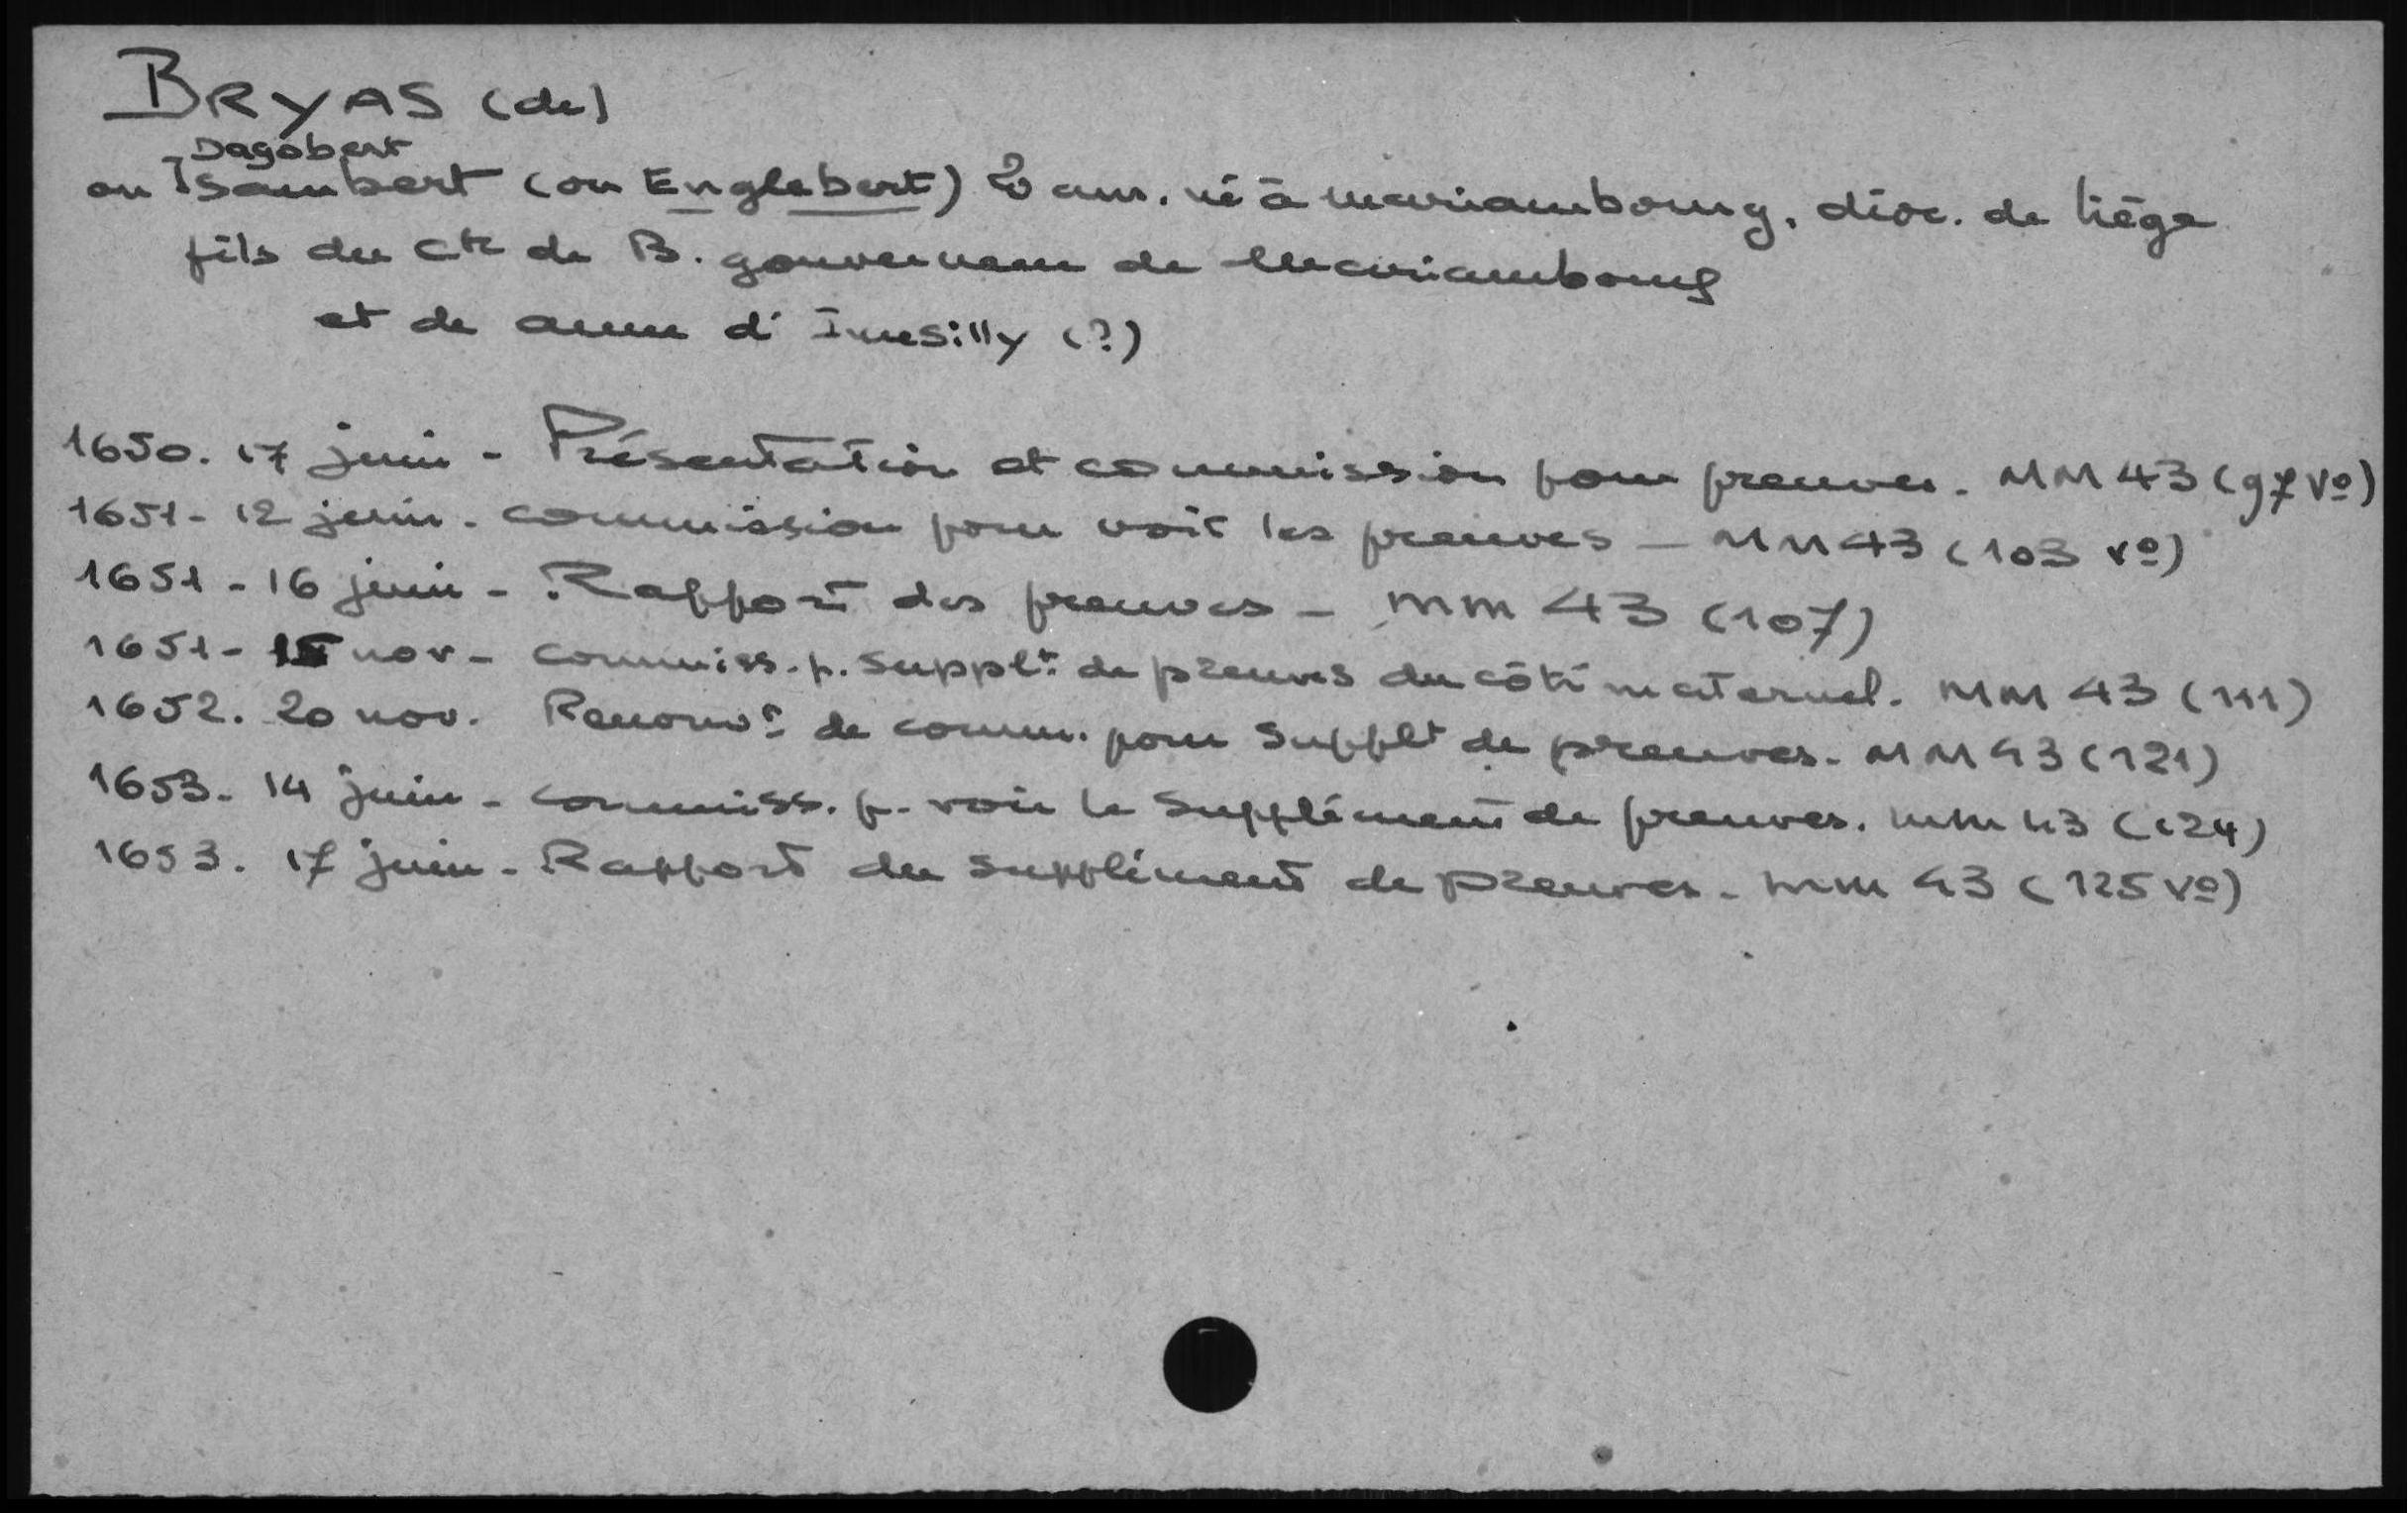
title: BRYAS (de) Dagobert ou Isambert (ou Engelbert) 20 ans, né à Mariambourg, diocèse de Liège fils du comte de B. gouverneur de Mariambourd de de Anne d'Imesilly (?)
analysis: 1650, 17 juin. Présentation et commission pour preuves. MM 42 (97v) 1651, 12 juin. Commission mour voir les preuves. MM 43 (103) 1651, 16 juin. Rapport des preuves. MM 43 (107) 1652, 20 novembre Commission pour supplément de preuves. MM 43 (121) 1653, 14 juin. Commission pour voir le supplément de preuves. MM 43 (124) 1653, 17 juin. Rapport du supplément de preuves. MM 43 (125v)
